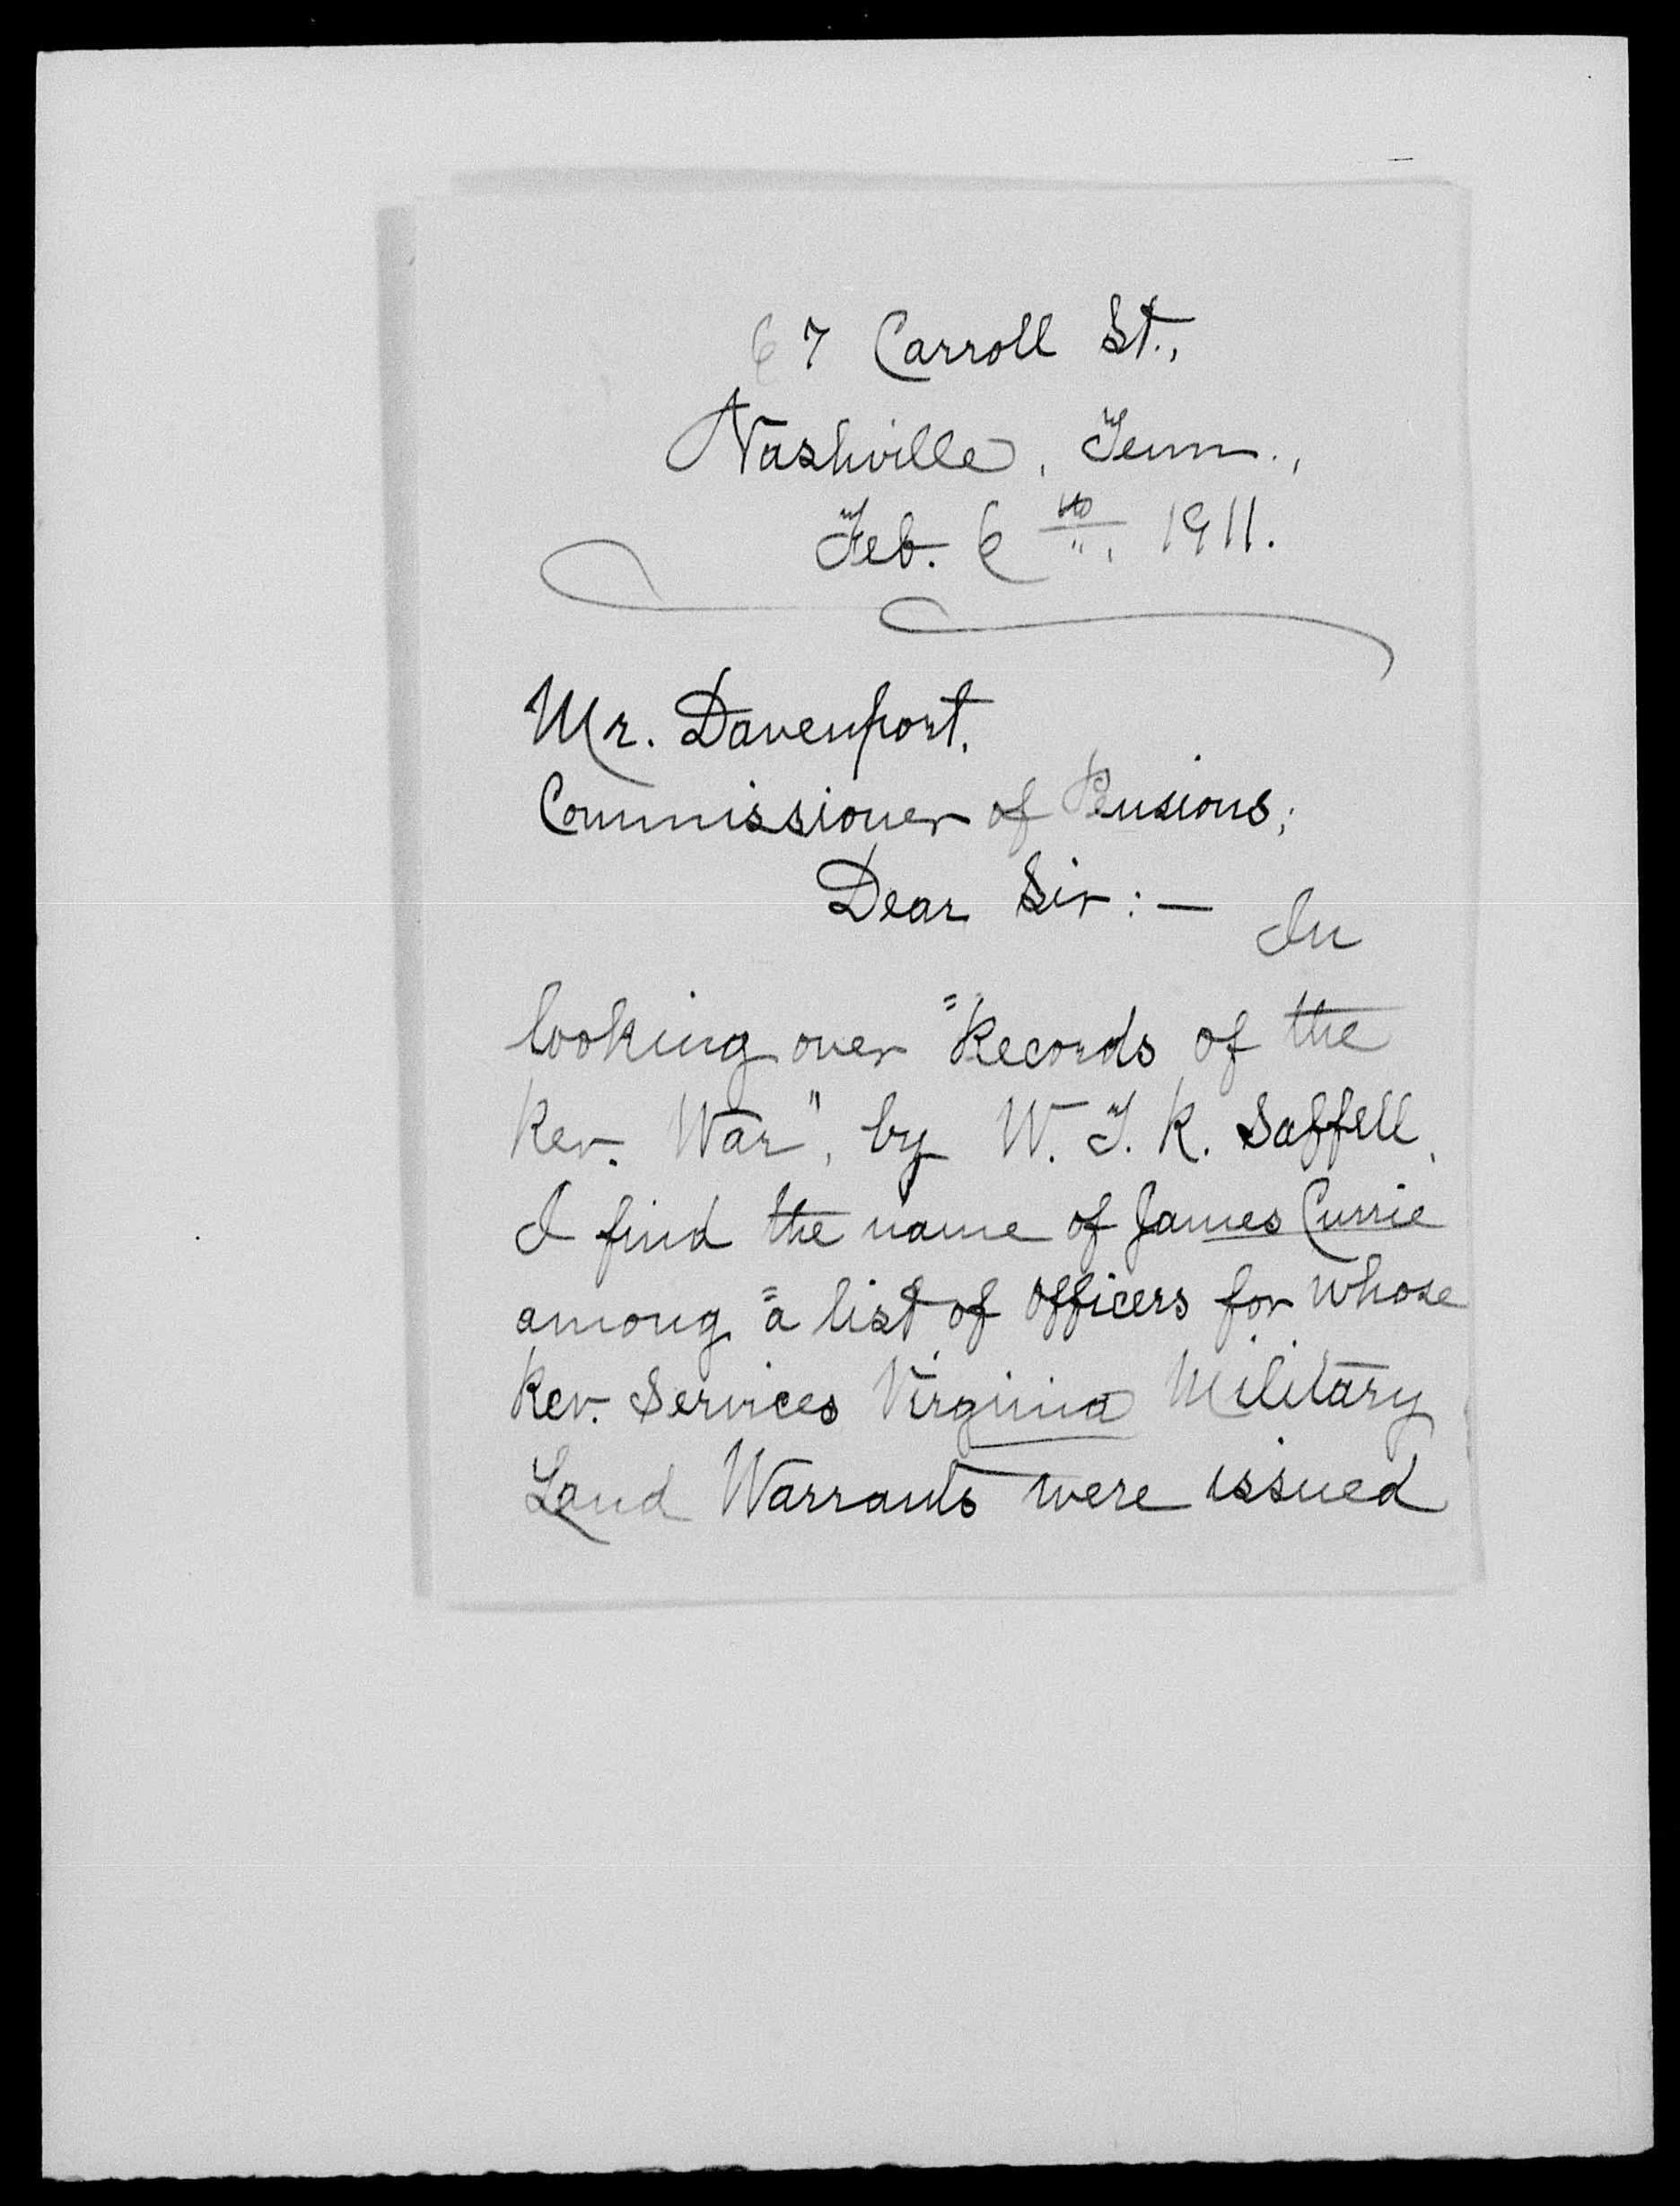67 Carroll St.
Nashville, Tenn
Feb. 6th, 1911

Mr. Davenport.
Commissioner of Pensions,
Dear Sir:-
In
looking over "Records of the
Rev. War", by W. T. R. Saffell
I find the name of James Currie
among a list of officers for whose
Rev. Services Virginia Military
Land Warrants were issued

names: James Currie, W T K Saffell, Davenport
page: 23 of 32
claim: survivor's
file: S. 44230, James Curry, Va.